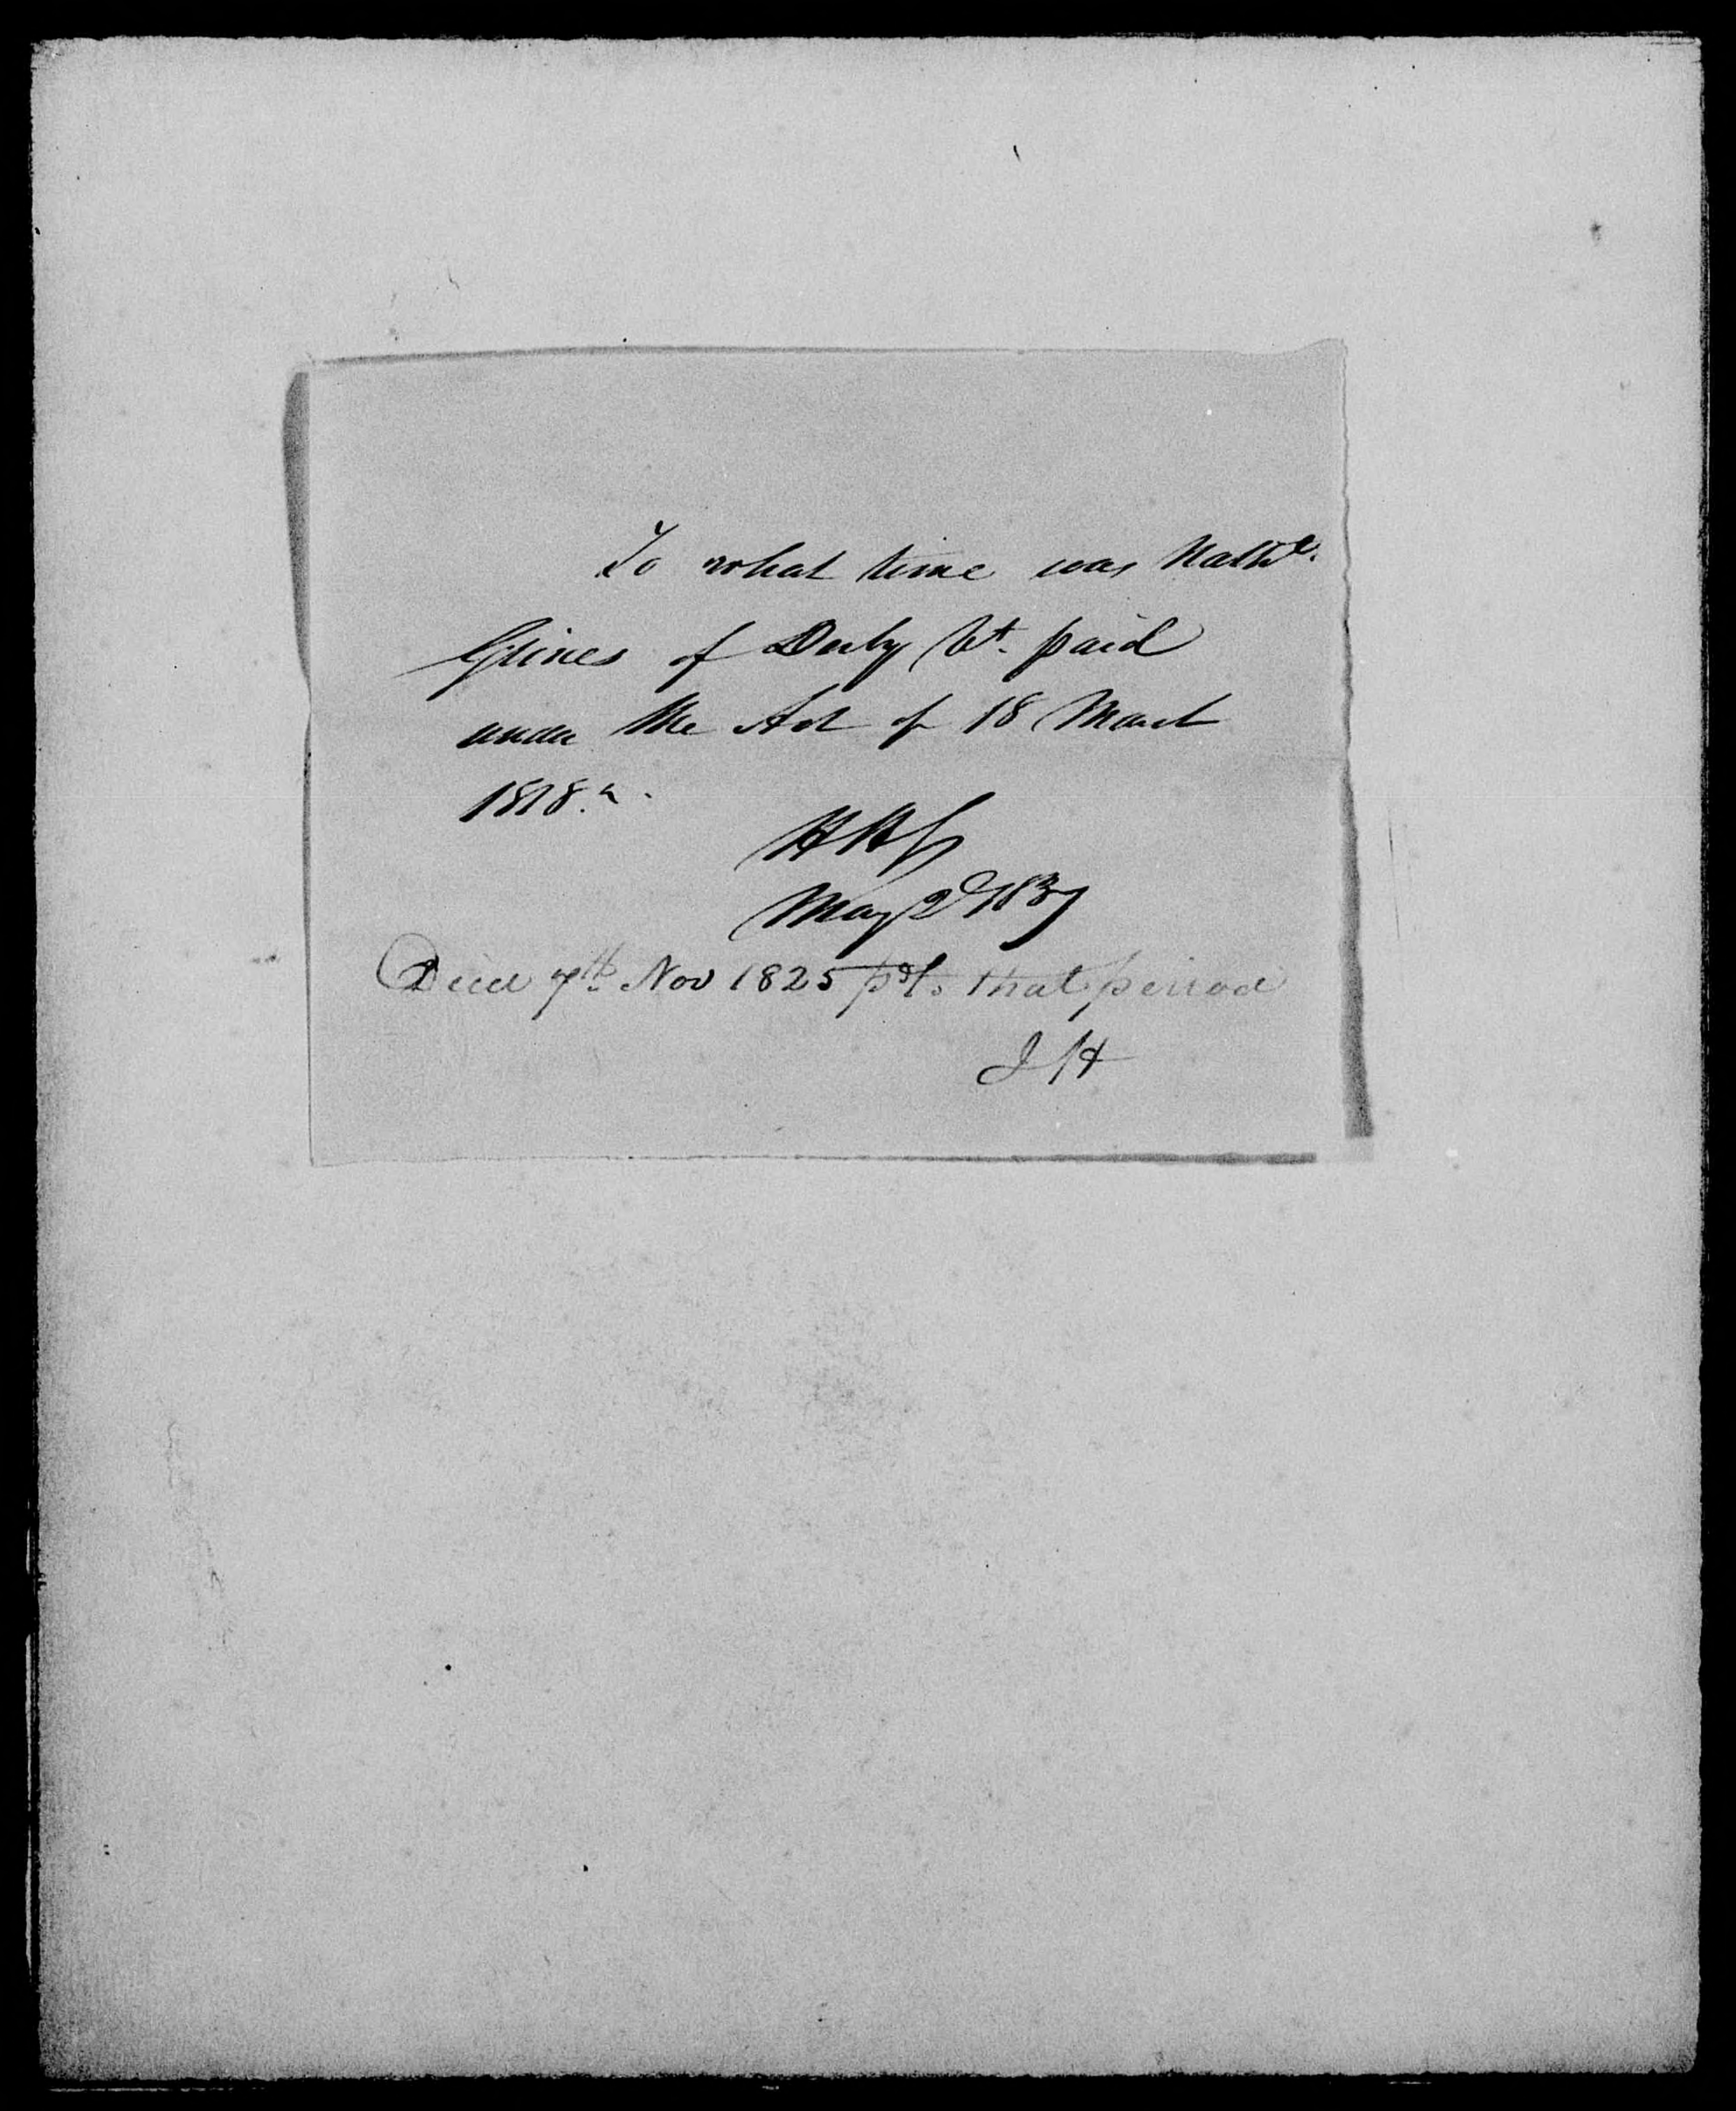To what time was Nath'l Glines of Derby Vt. paid under the At of 18 March 1818

HHP
May 2d 1837

Dec'd 7th Nov 1825  p'd to that period
JH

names: Nathl Glines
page: 21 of 29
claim: widow's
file: W. 24,282, Nathaniel Glines, N.H.